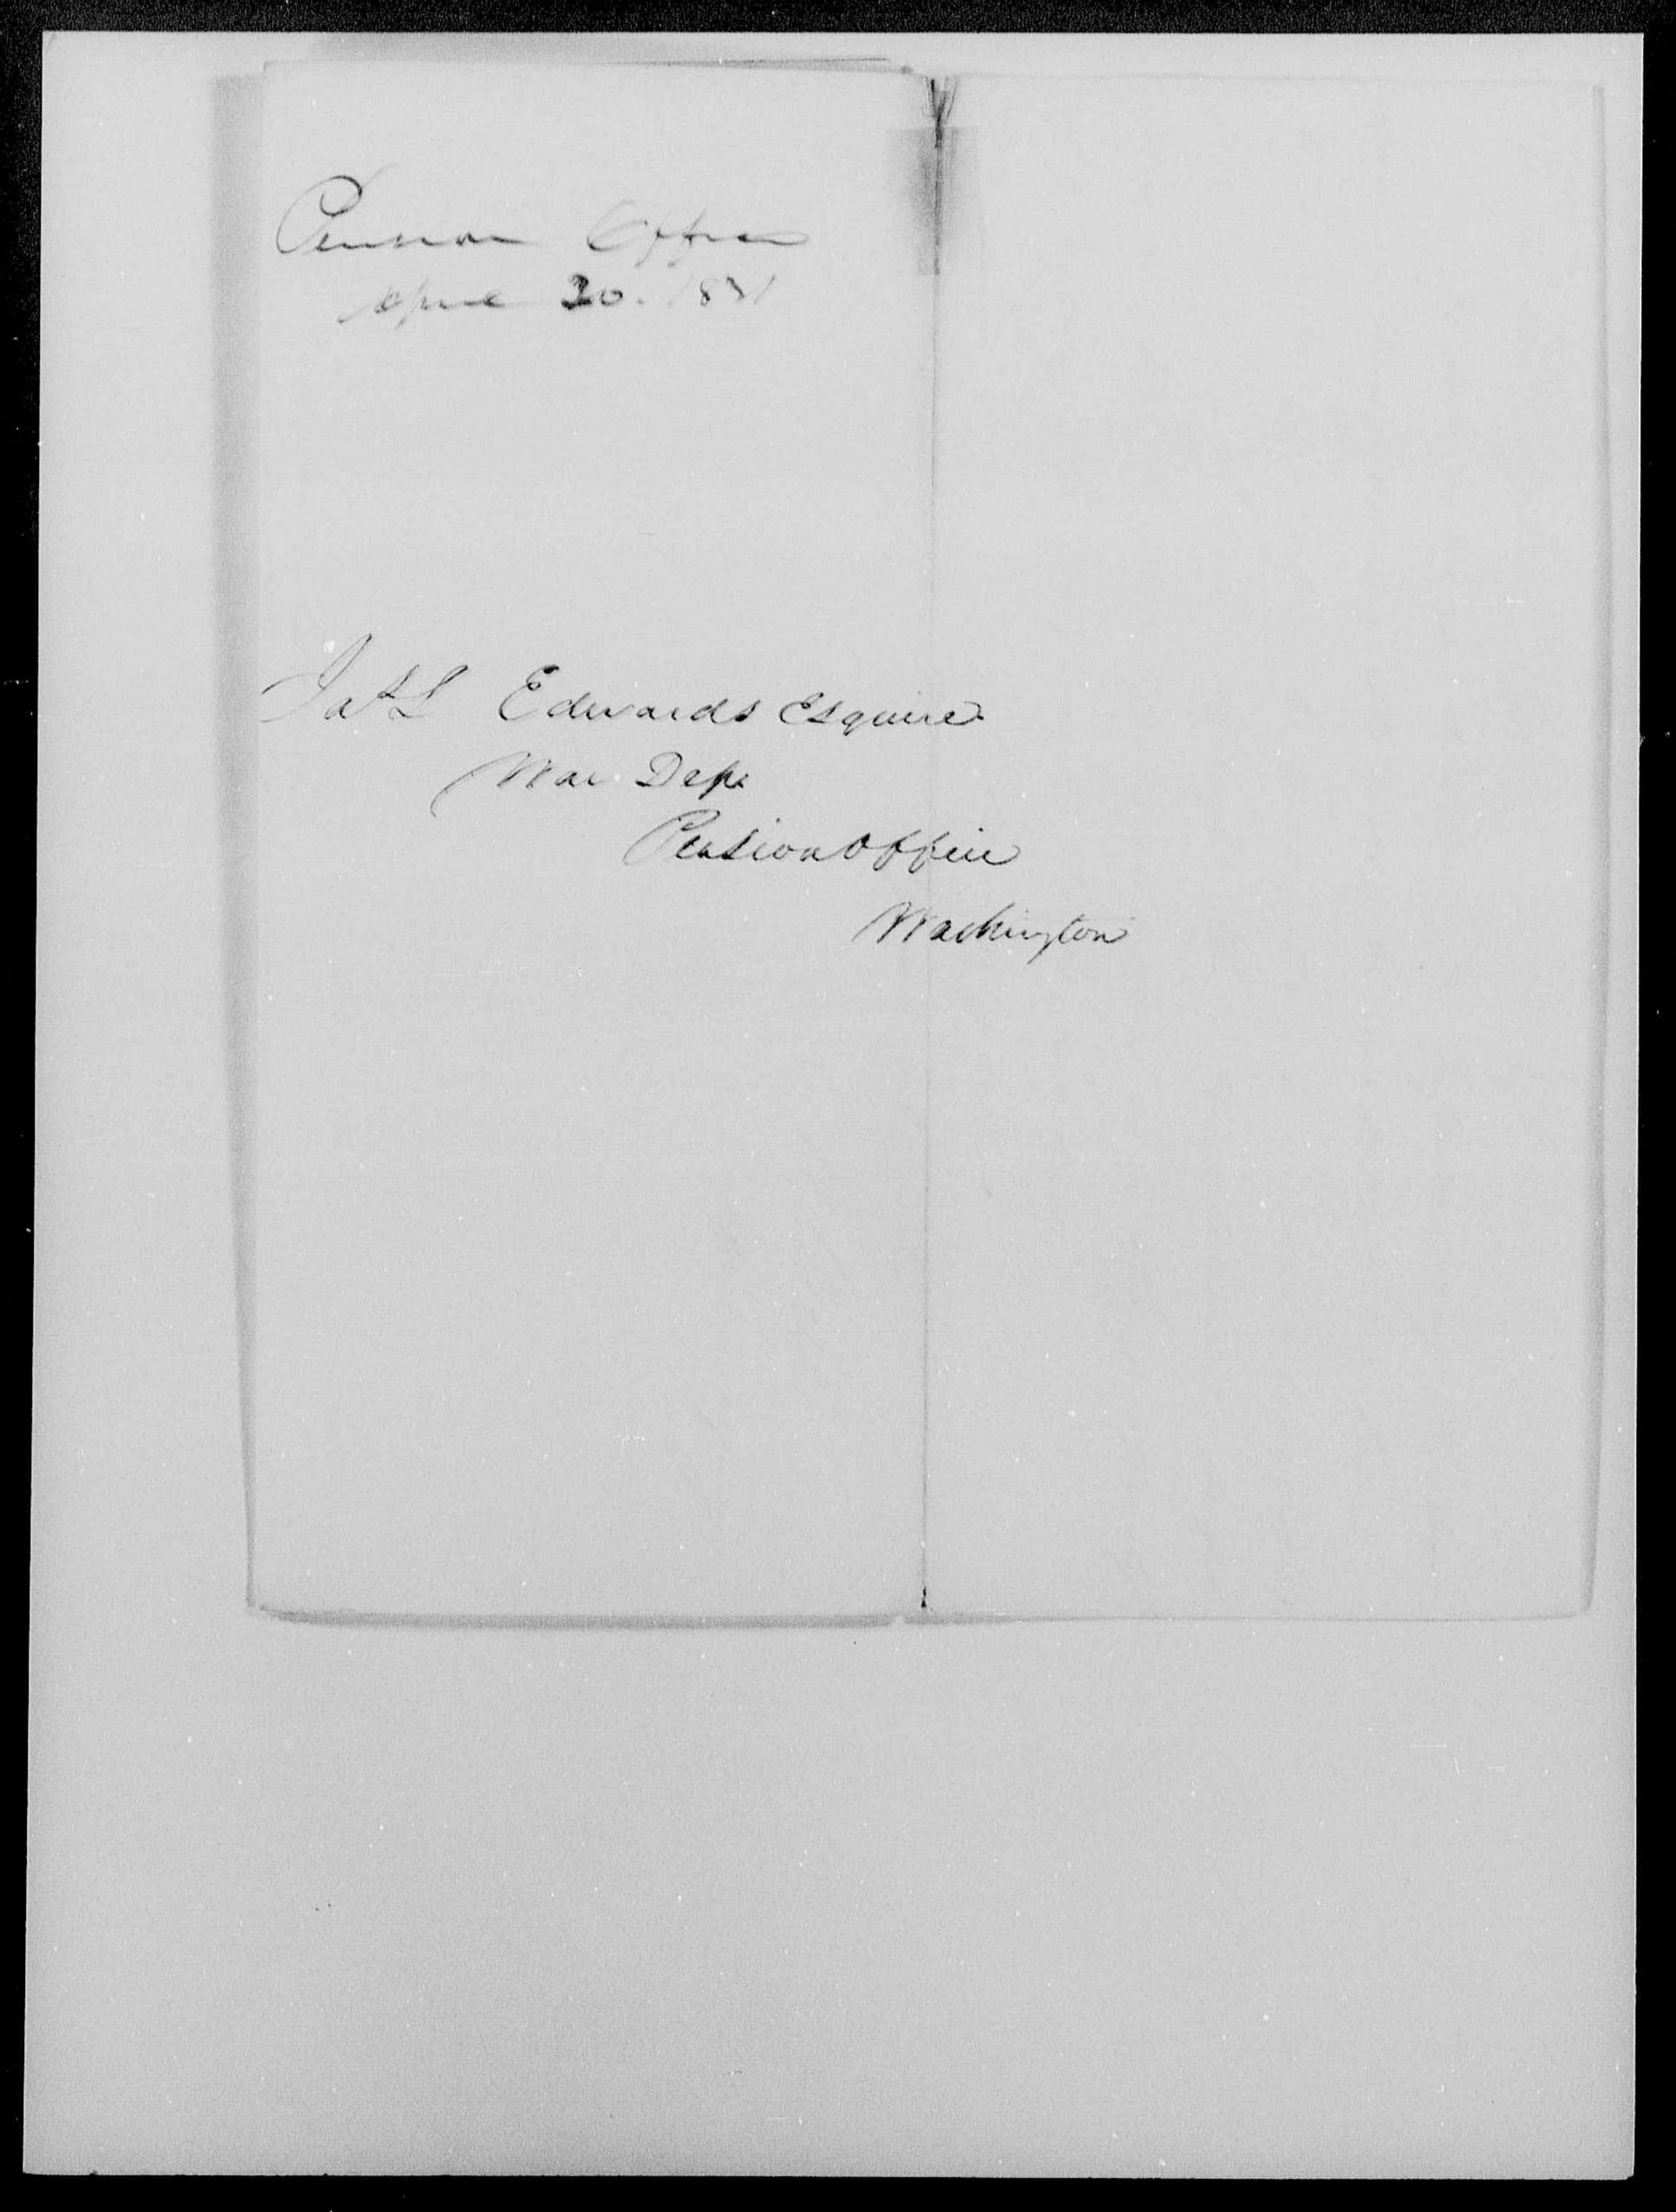Pension Office
April 20 1831

J L Edwards Esquire
War Dept
Pension Office
Washington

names: Jas L Edwards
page: 13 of 30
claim: survivor's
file: S. 10093, James Blewer, Md.